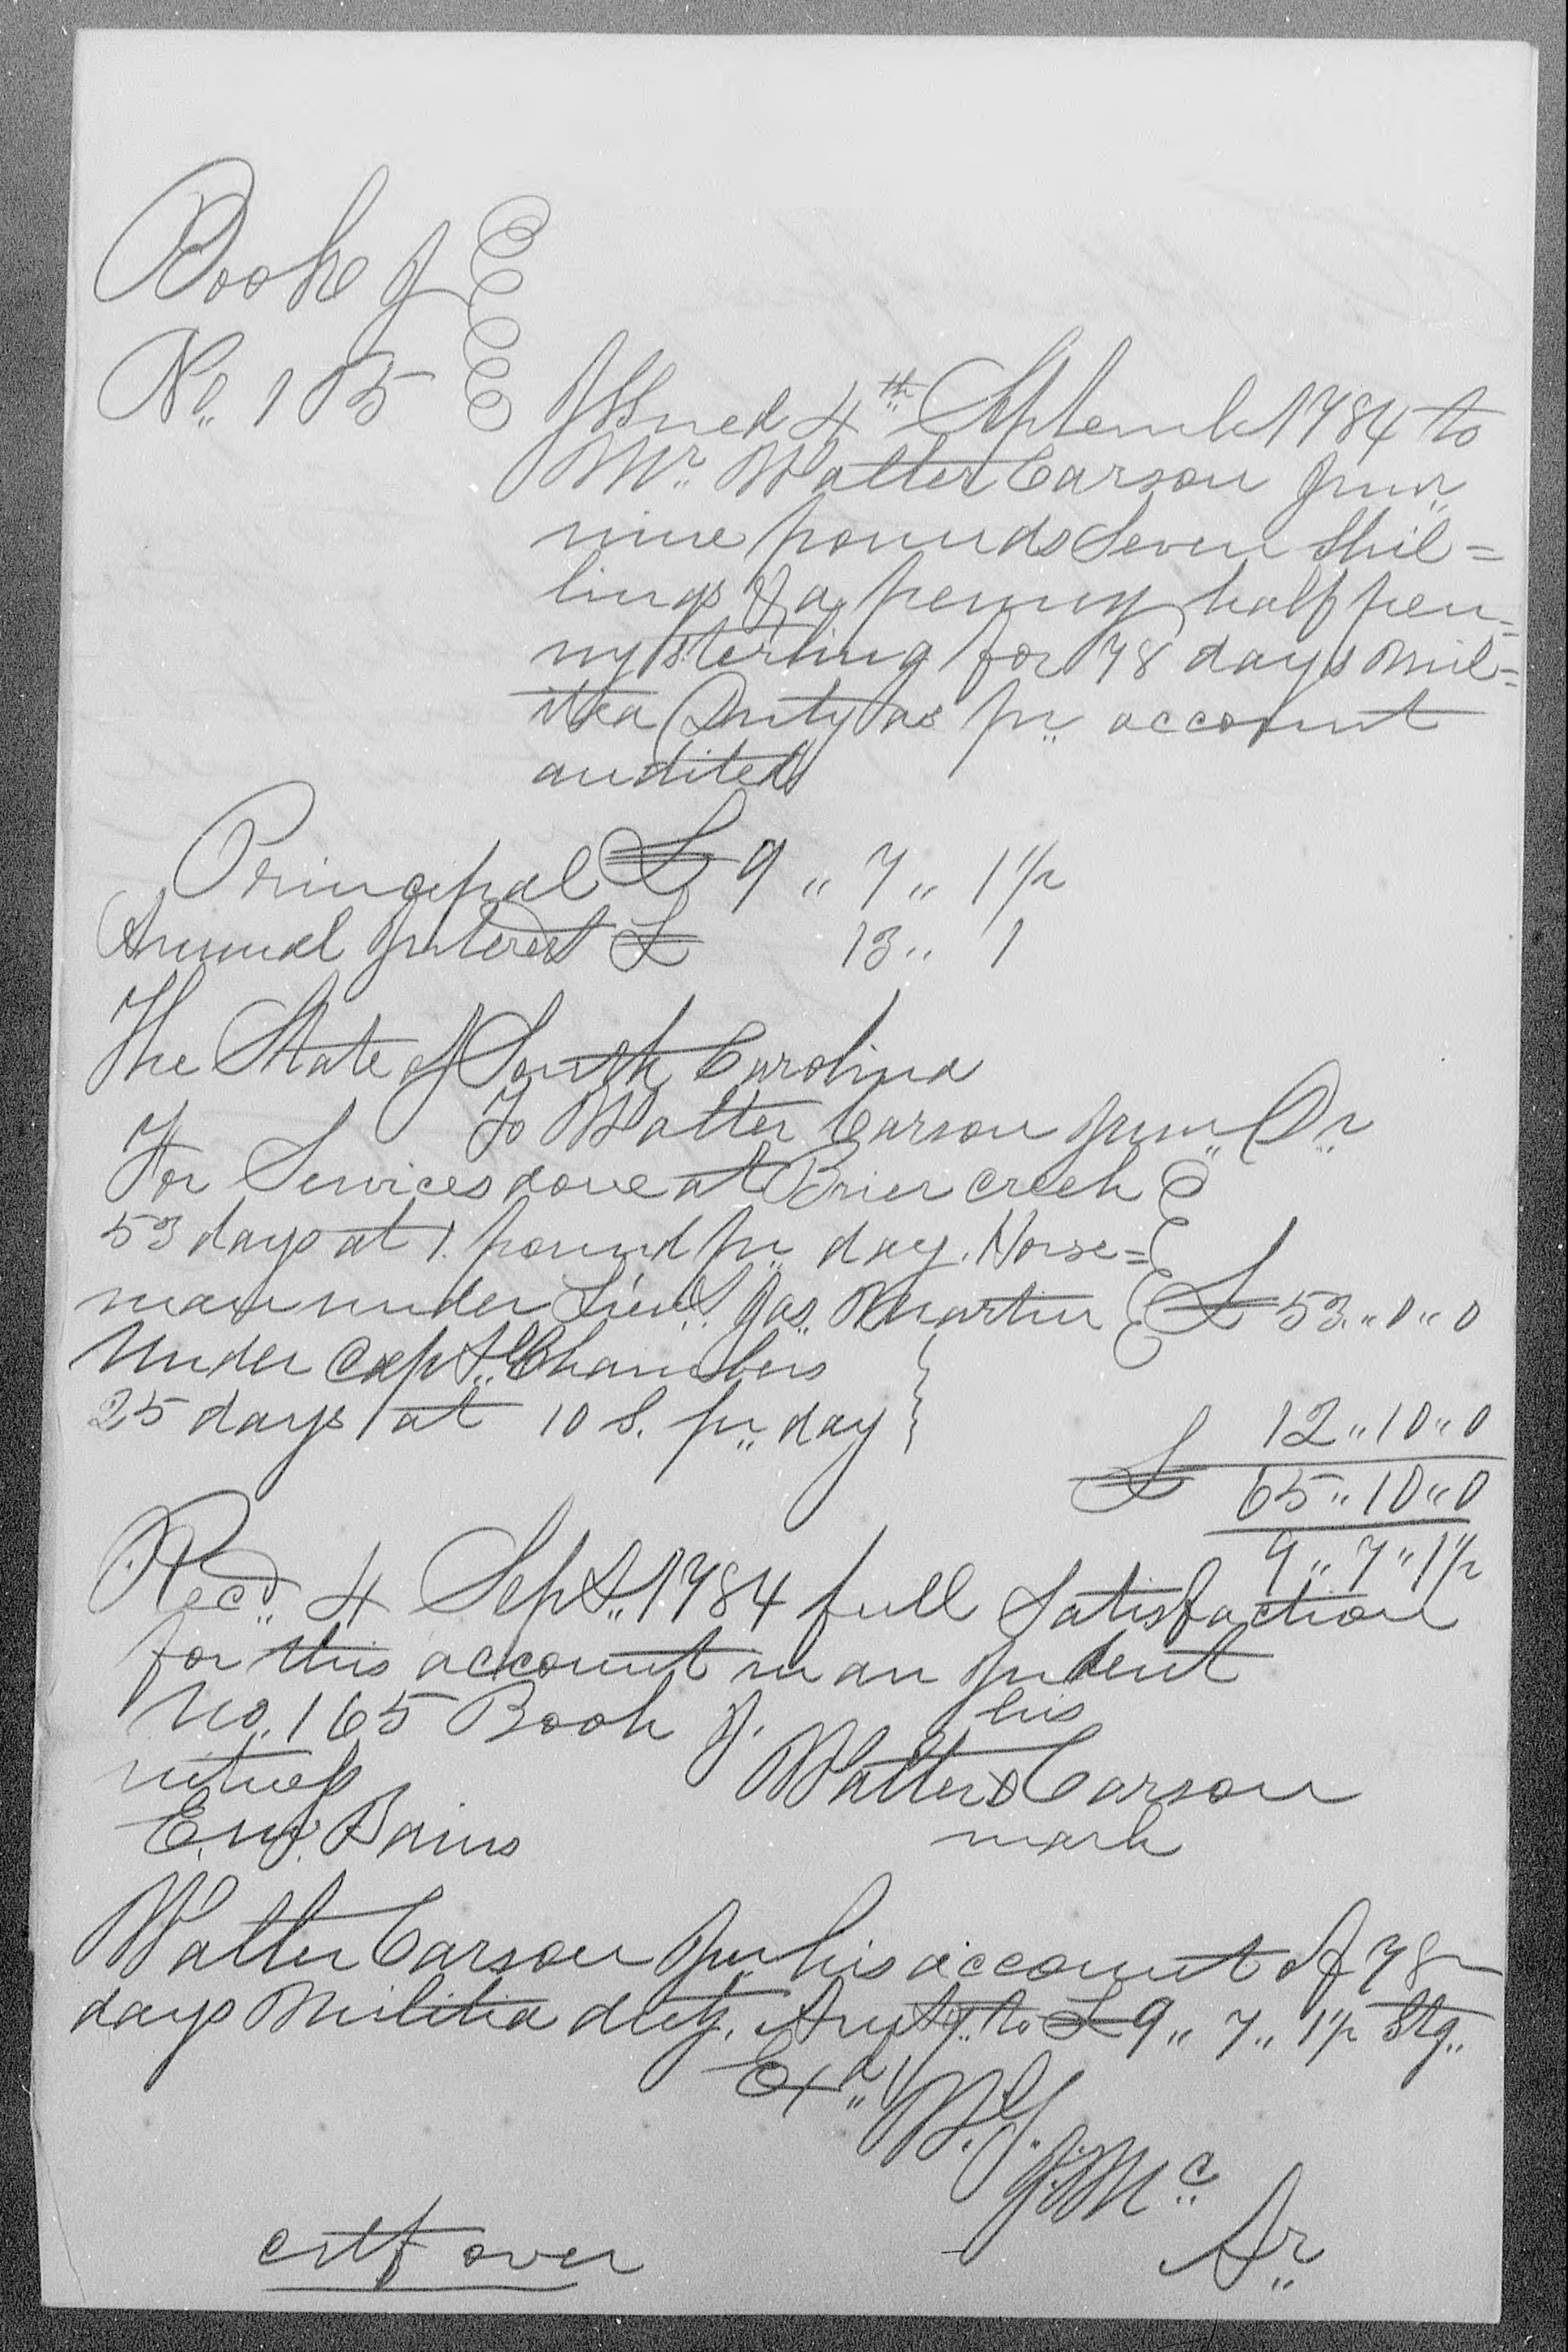Book J
No 165
Issued 4th September 1784 to Mr. Walter Carson Junior nine pounds Seven Shillings & a penny half penny sterling for 78 days militia duty as pr account
audited
Principal L9"7"1 1/2
Annual Interest L 13"1
The State of South Carolina
To Walter Carson Junior for Services done at Brier Creek 53 days at 1 pound per day. Horseman under Lieut. Jas. Martin L53"0"0
Under Capt Chambers 25 days at 10 S. pr day 12"10"0
L 65"10"0
9"7"1 1/2
Recd. 4 Sept 1784 full satisfaction for this account in an of indent no. 165 Book J.
Walter Carson his mark X
Witness
Enr. Bains
Walter Carson for his account of 78 days militia duty [illegible] No L9"7"1 1/2 Stg.
Exd.
M.G.
JMC
Sr.
Crtf over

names: Walter Carson, Walter Carson, Walter Carson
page: 25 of 34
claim: rejected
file: R. 1,738, Walter Carson, N.C. S.C.